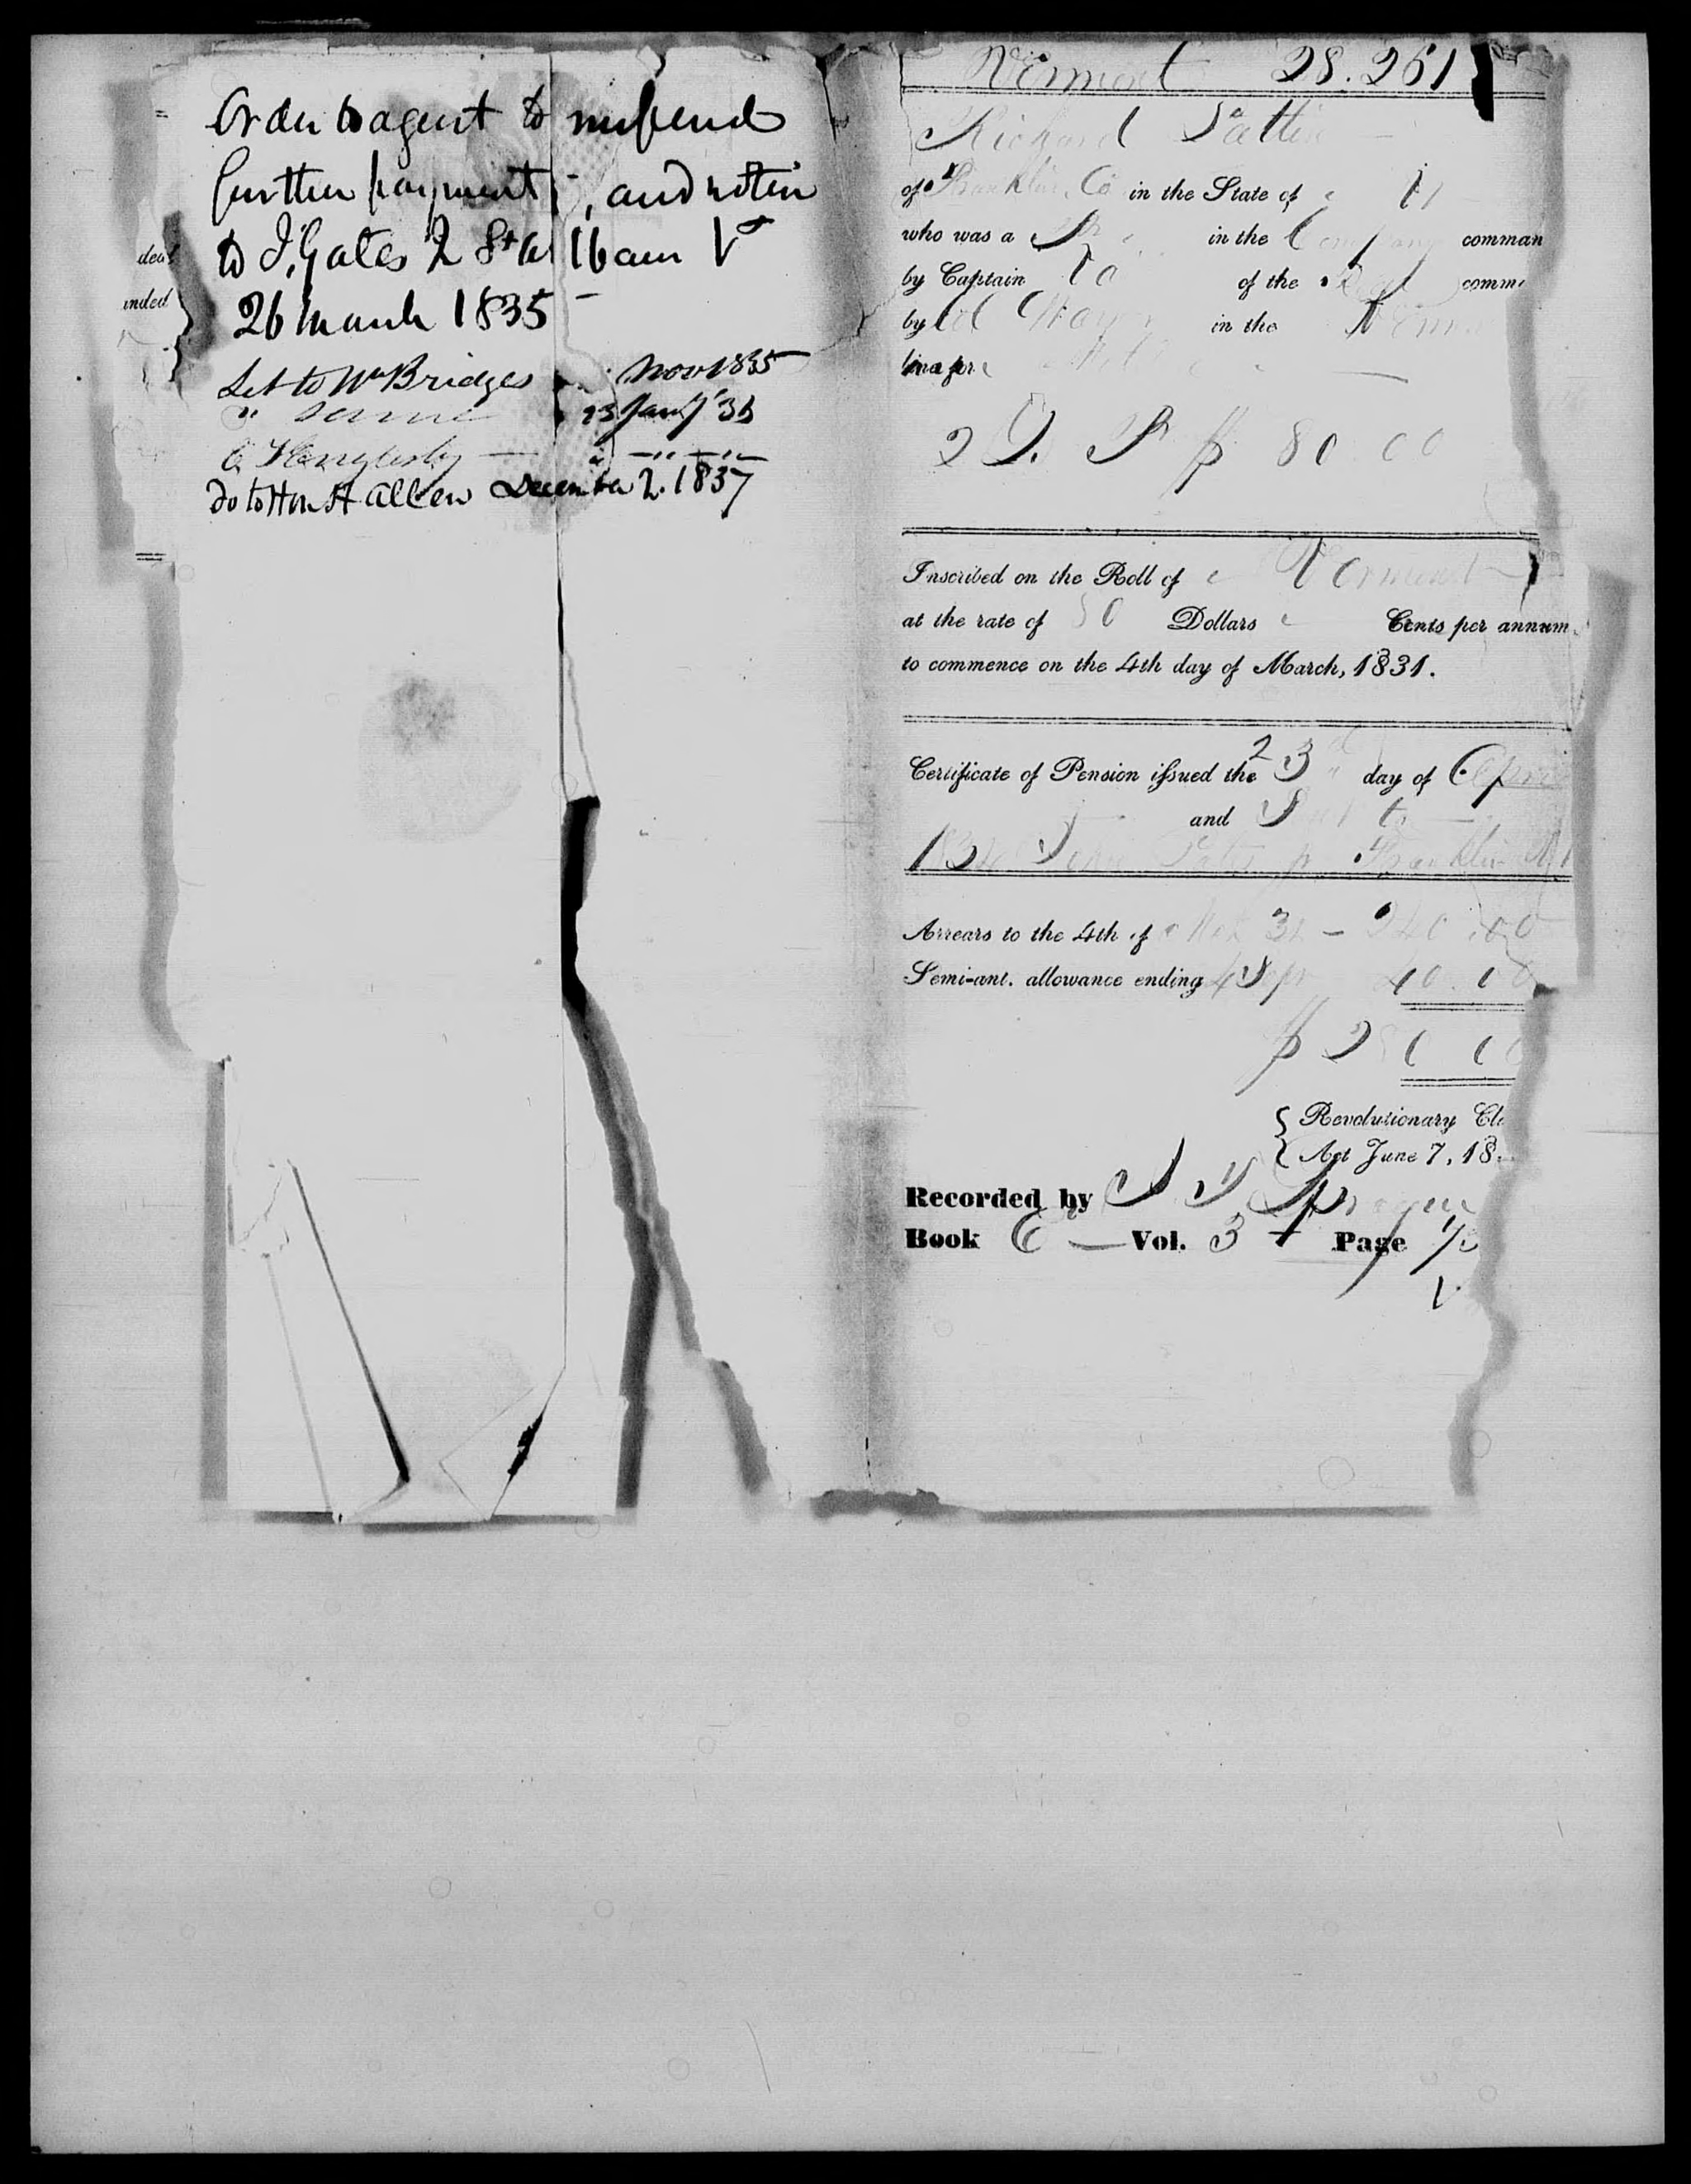Order to agent to suspend
further payment and notice
to J. Gates 2 St, Wilbur Vt 
26 March 1835

Let to W Bridges Nov 1835
Let to same 13 Jany 36

[E Kinglesly]

do to Hon H Allen December 2. 1837

Vermont 28.261
Richard Lattin
of Franklin Co in the State of Vt
who was a Priv in the Company commanded
by Captain Vail, of the Regt commanded
 by Col. Warner in the Vermont 
line for [illegible]
2 yrs Pr $80.00

Inscribed on the Roll of Vermont
at the rate of 80 Dollars –Cents per annum
to commence on the 4th day of March, 1831

Certificate of Pension issued the 23d day of April
1834 and sent to [ J Gates] Franklin, Vt.

Arrears to the 4th of Mar 31 - 240.00
Semi-anl. allowance ending 4th of Sep 40.
$280.00

Revolutionary Claim
Act June 7,1832

Recorded by J T Sprague Clerk
Book C Vol. 3 Page  [75]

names: Wm Bridges; [BLANK] Way; J T Sprague; Richard Lattin; H Allen; J Gates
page: 2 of 99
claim: widow's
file: W. 24,482, for Richard Lattin, Vermont